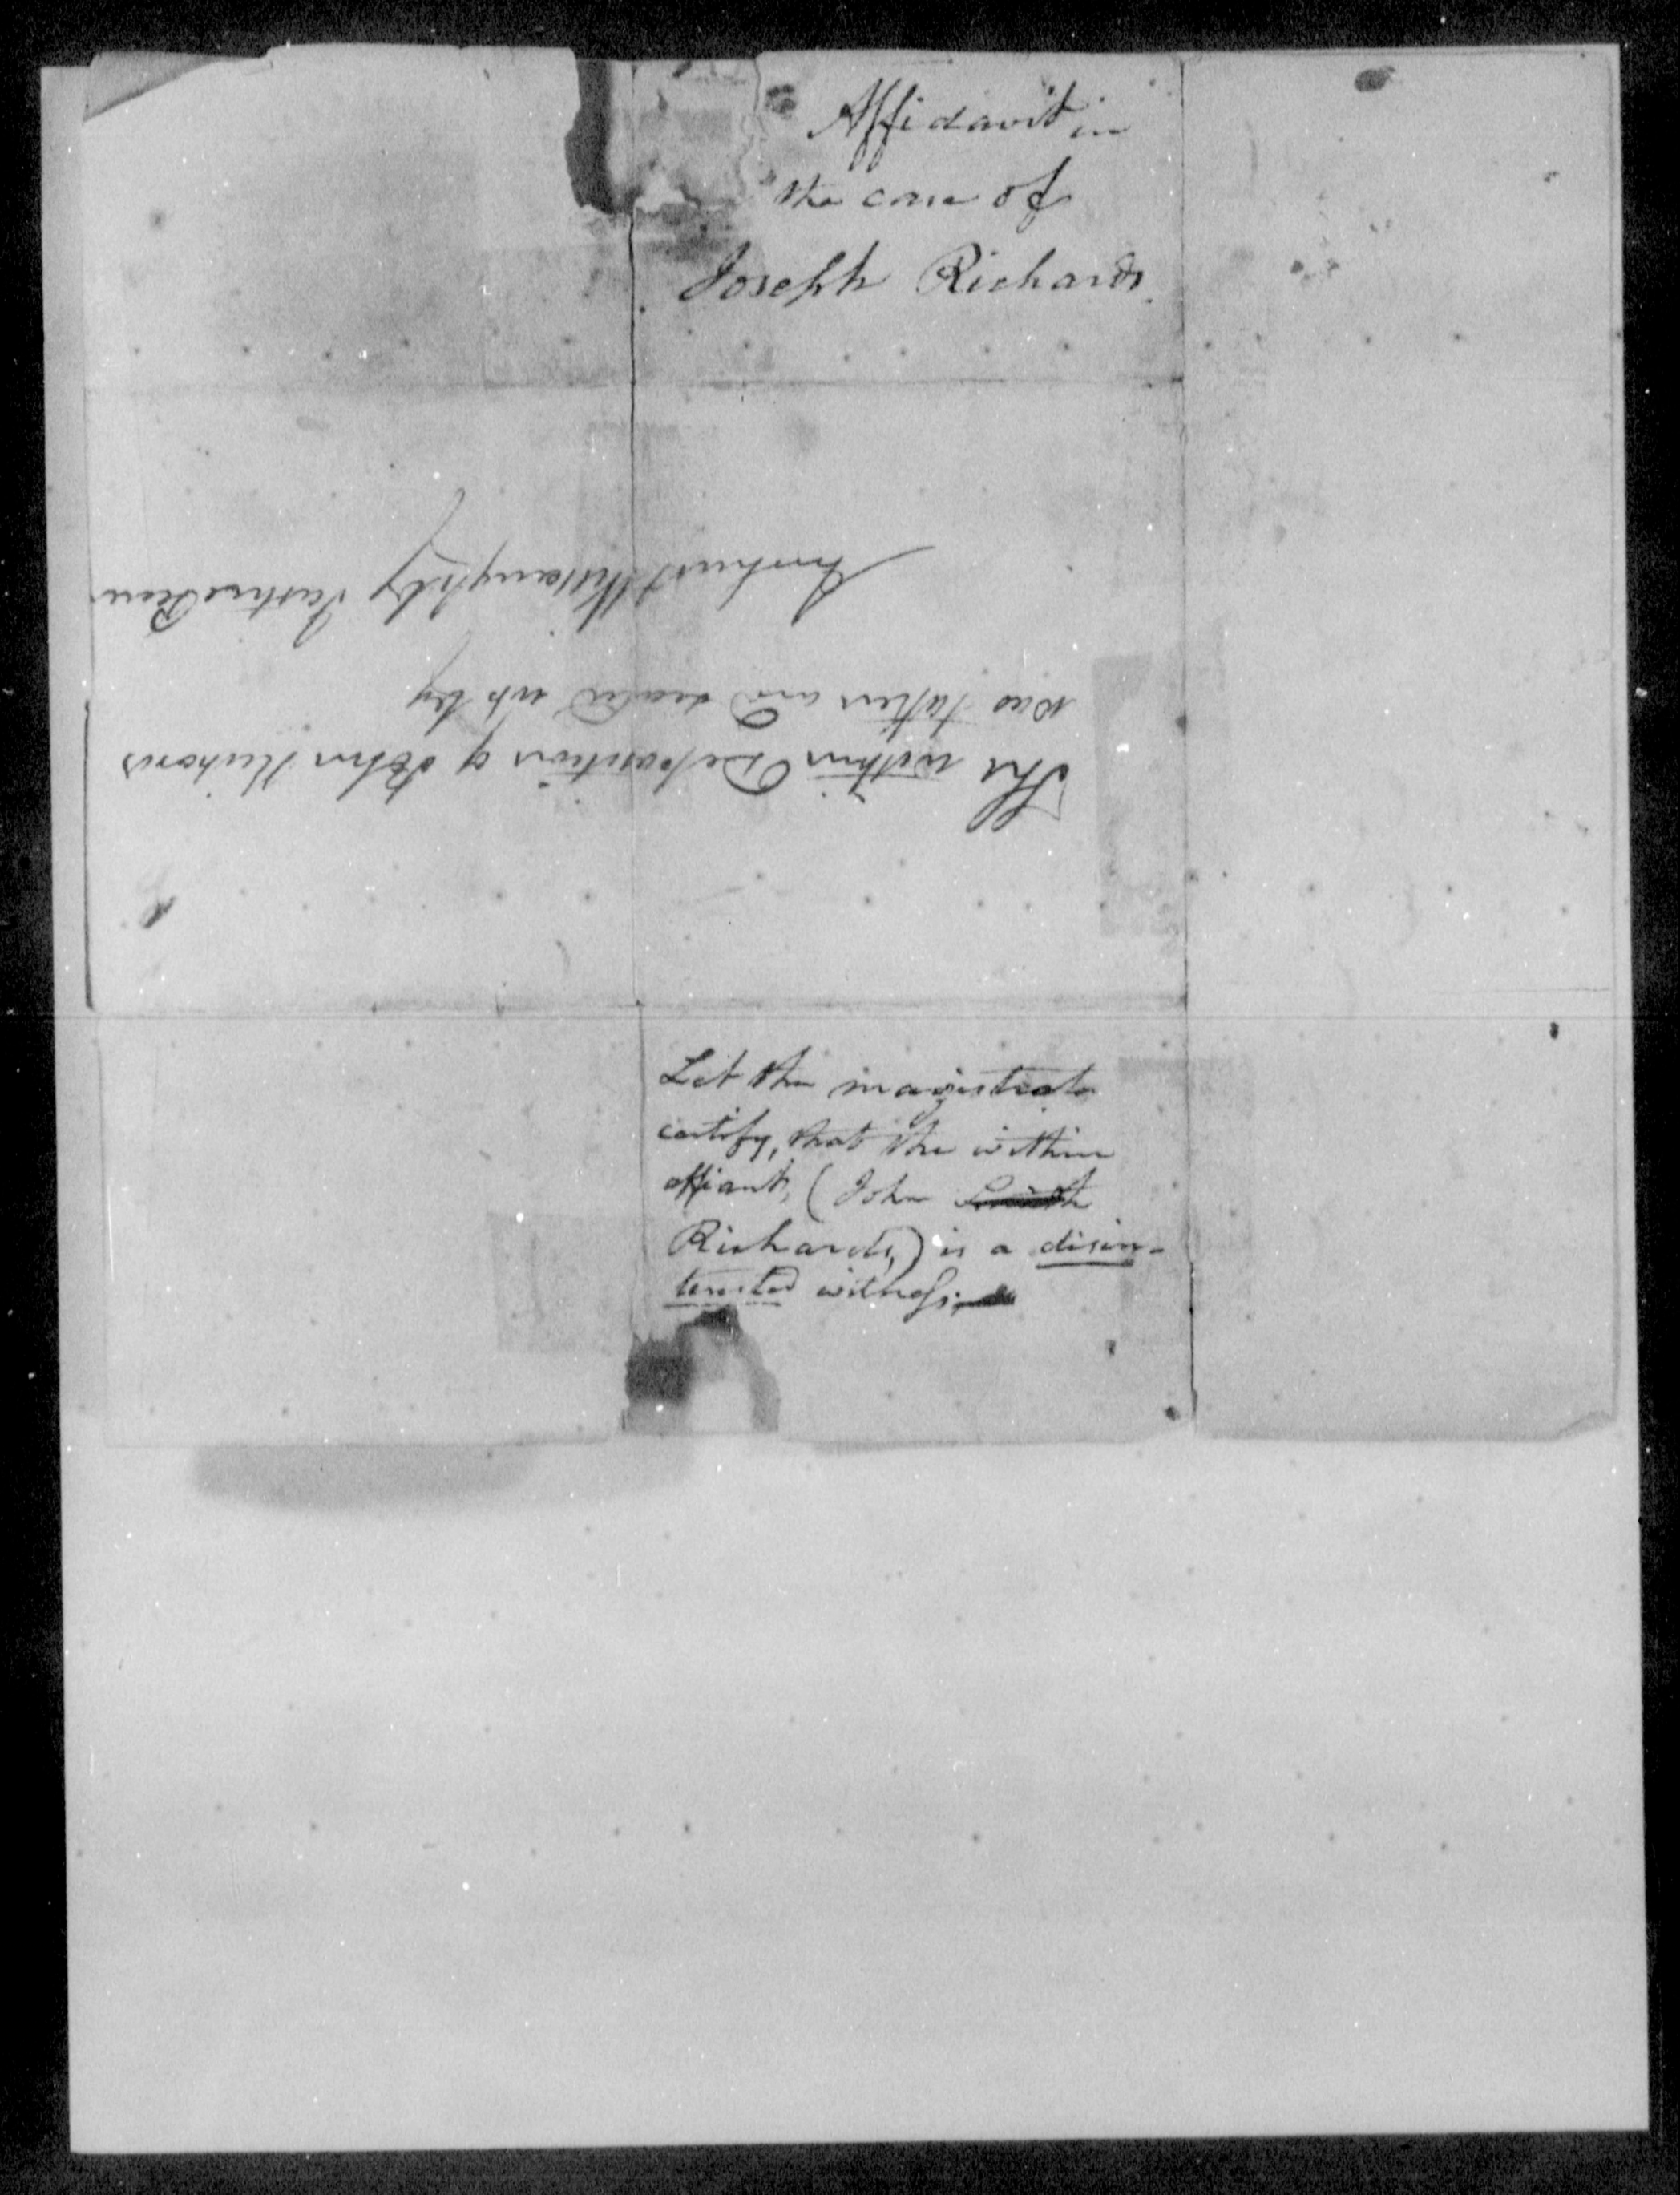Affidavit in the case of Joseph Richards

[upside down] The within Declaration of Joseph Richards was taken and sealed by Amherst Willoughby [end]

Let the magistrate certify, that the within affiant, (John Richards) is a disinterested witness.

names: Joseph Richards; Amherst Willoughby; John Richards; John Richards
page: 40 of 109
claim: widow's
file: W. 5709, for Thomas Richards, New Hampshire